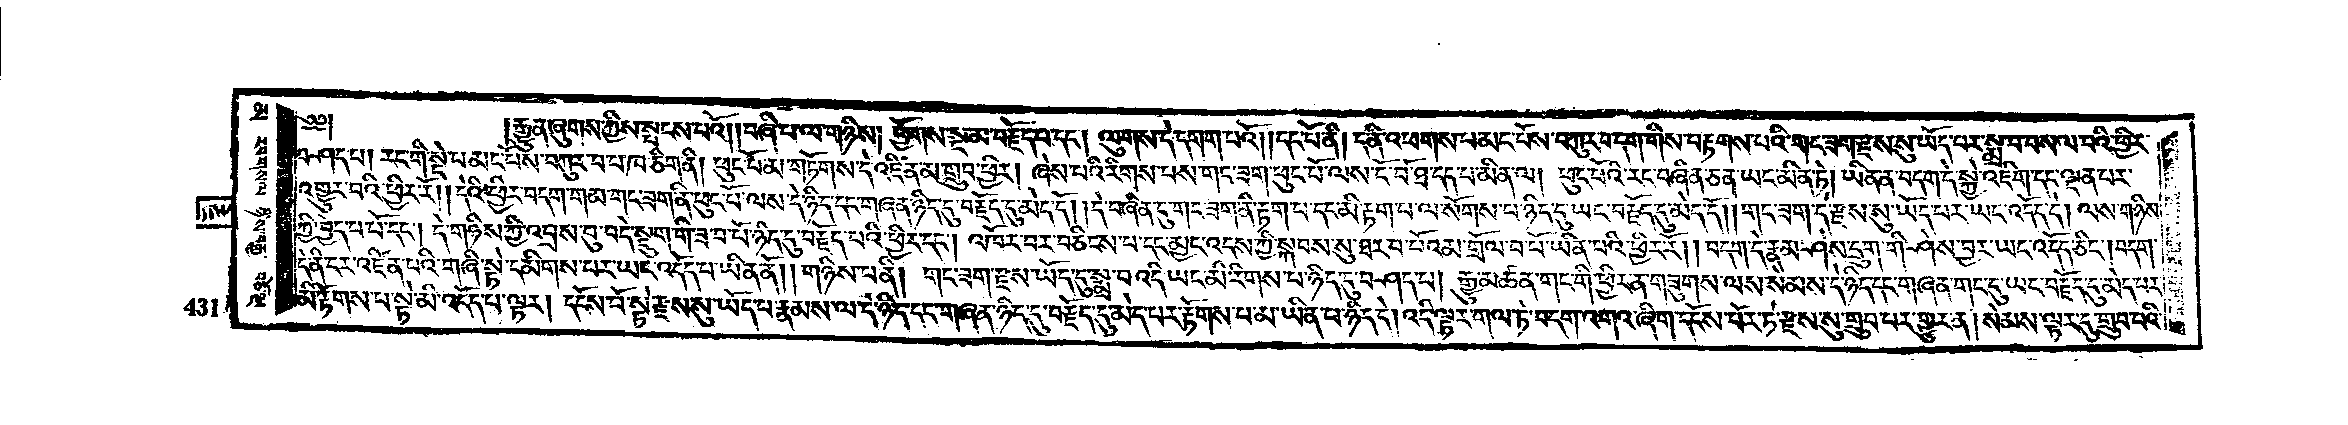༄༅། །རྒྱུན་ཞུགས་ཀྱིས་སྤངས་པའོ། །བཞི་པ་ལ་གཉིས། ཕྱོགས་སྔ་མ་བརྗོད་པ་དང་། ལུགས་དེ་དགག་པའོ། །དང་པོ་ནི། དེ་ནི་འཕགས་པ་མང་པོས་བཀུར་བ་དག་གིས་བརྟགས་པའི་གང་ཟག་རྫས་སུ་ཡོད་པར་སྨྲ་བ་བསལ་བའི་ཕྱིར་
བཤད་པ། རང་གི་སྡེ་པ་མང་པོས་བཀུར་བ་པ་ཁ་ཅིག་ནི། ཕུང་པོ་མ་གཏོགས་དེ་འཛིན་མ་གྲུབ་ཕྱིར། ཞེས་པའི་རིགས་པས་གང་ཟག་ཕུང་པོ་ལས་ངོ་བོ་ཐ་དད་པ་མིན་ལ། ཕུང་པོའི་རང་བཞིན་ཅན་ཡང་མིན་ཏེ། ཡིན་ན་བདག་དེ་སྐྱེ་འཇིག་དང་ལྡན་པར་
འགྱུར་བའི་ཕྱིར་རོ། །དེའི་ཕྱིར་བདག་གམ་གང་ཟག་ནི་ཕུང་པོ་ལས་དེ་ཉིད་དང་གཞན་ཉིད་དུ་བརྗོད་དུ་མེད་དོ། །དེ་བཞིན་དུ་གང་ཟག་ནི་རྟག་པ་དང་མི་རྟག་པ་ལ་སོགས་པ་ཉིད་དུ་ཡང་བརྗོད་དུ་མེད་དོ། །གང་ཟག་དེ་རྫས་སུ་ཡོད་པར་ཡང་འདོད་དེ། ལས་གཉིས་
ཀྱི་བྱེད་པ་པོ་དང་། དེ་གཉིས་ཀྱི་འབྲས་བུ་བདེ་སྡུག་གི་ཟ་བ་པོ་ཉིད་དུ་བརྗོད་པའི་ཕྱིར་དང་། འཁོར་བར་བཅིངས་པ་དང་མྱང་འདས་ཀྱི་སྐབས་སུ་ཐར་བ་པོའམ་གྲོལ་བ་པོ་ཡིན་པའི་ཕྱིར་རོ། །བདག་དེ་རྣམ་ཤེས་དྲུག་གི་ཤེས་བྱར་ཡང་འདོད་ཅིང་། བདག་
དེ་ནི་ངར་འཛིན་པའི་གཞི་སྟེ་དམིགས་པར་ཡང་འདོད་པ་ཡིན་ནོ། །གཉིས་པ་ནི། གང་ཟག་རྫས་ཡོད་དུ་སྨྲ་བ་འདི་ཡང་མི་རིགས་པ་ཉིད་དུ་བཤད་པ། རྒྱུ་མཚན་གང་གི་ཕྱིར་ན་གཟུགས་ལས་སེམས་དེ་ཉིད་དང་གཞན་གང་དུ་ཡང་བརྗོད་དུ་མེད་པར་
མི་རྟོགས་པ་སྟེ་མི་འདོད་པ་ལྟར། དངོས་པོ་སྟེ་རྫས་སུ་ཡོད་པ་རྣམས་ལ་དེ་ཉིད་དང་གཞན་ཉིད་དུ་བརྗོད་དུ་མེད་པར་རྟོགས་པ་མ་ཡིན་པ་ཉིད་དེ། འདི་ལྟར་གལ་ཏེ་བདག་འགའ་ཞིག་དངོས་པོར་ཏེ་རྫས་སུ་གྲུབ་པར་གྱུར་ན། སེམས་ལྟར་དུ་གྲུབ་པའི་